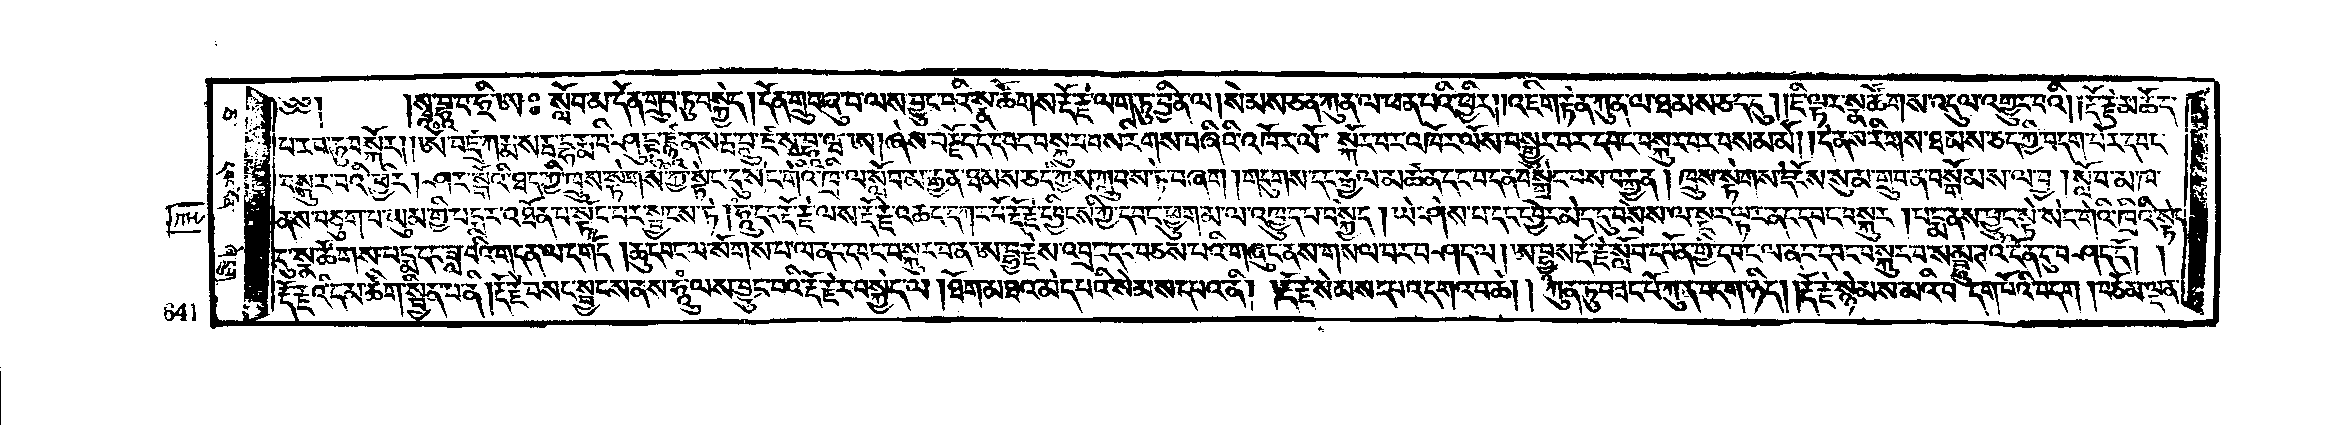༄༅། །སྭཱ་བྷཱ་བ་ཧྲི་ཨཿ སློབ་མ་དོན་གྲུབ་ཏུ་བསྐྱེད། དོན་གྲུབ་ཞུ་བ་ལས་བྱུང་བའི་སྣ་ཚོགས་རྡོ་རྗེ་ལག་ཏུ་བྱིན་ལ། སེམས་ཅན་ཀུན་ལ་ཕན་པའི་ཕྱིར། །འཇིག་རྟེན་ཀུན་ལ་ཐམས་ཅད་དུ། །ཇི་ལྟར་སྣ་ཚོགས་འདུལ་འགྱུར་བའི། །རྡོ་རྗེ་མཆོད་
པ་རབ་ཏུ་བསྐོར། །ཨོཾ་བཛྲ་ཀརྨ་སརྦ་དྷརྨ་བི་ཤུདྡྷ་ཛྙཱ་ན་སརྦ་པཱུ་ཛ་སྭ་བྷཱ་ཝ་ཨ། ཞེས་བརྗོད་དེ་དབང་བསྐུར་བས་རིགས་བཞིའི་འཁོར་ལོ་སྐོར་བར་འཁོར་ལོས་བསྒྱུར་བར་དབང་བསྐུར་བར་བསམ་མོ། །དེ་ནས་རིགས་ཐམས་ཅད་ཀྱི་བདག་པོར་དབང་
བསྐུར་བའི་ཕྱིར། ཤར་སྒོའི་ཐད་ཀྱི་ཁྲུས་སྟེགས་ཀྱི་སྟེང་དུ་སེང་གེའི་ཁྲི་ལ་སློབ་མ་རྒྱན་ཐམས་ཅད་ཀྱིས་ཀླུབས་ཏེ་བཞག །གདུགས་དང་རྒྱལ་མཚན་དང་བ་དན་བསྒྲེང་བས་བརྒྱན། ཁྲུས་སྟེགས་དངོས་སུ་མ་གྲུབ་ན་བསྒོམས་ལ་བྱ། སློབ་མ་ཁ་
ནས་བཅུག་པ་ཡུམ་གྱི་པདམར་འཐོན་པ་སྟོང་པར་སྦྱངས་ཏེ། ཧཱུཾ་དང་རྡོ་རྗེ་ལས་རྡོ་རྗེ་འཆང་དཀར་པོ་རྡོ་རྗེ་དབྱིངས་ཀྱི་དབང་ཕྱུག་མ་ལ་འཁྱུད་པ་བསྐྱེད། ཡེ་ཤེས་པ་དང་དབྱེར་མེད་དུ་བསྲེས་ལ་སྔར་ལྟར་ནང་དབང་བསྐུར། པདམ་ནས་ཕྱུང་སྟེ་སེང་གེའི་ཁྲིའི་སྟེང་
དུ་སྣ་ཚོགས་པདམ་དང་ཟླ་བའི་གདན་ལ་དགོད། ཆུ་དབང་ལ་སོགས་པ་ལ་ནང་དབང་བསྐུར་བ་ན་ཨ་བྷྱ་རྗེས་འབྲང་དང་བཅས་པའི་གཞུང་ནས་གསལ་བར་བཤད་ལ། ཨ་བྷྱས་རྡོ་རྗེ་སློབ་དཔོན་གྱི་དབང་ལ་ནང་དབང་བསྐུར་བ་སམྦྷུ་ཊའི་དོན་དུ་བཤད་དོ། །
རྡོ་རྗེའི་དམ་ཚིག་སྦྱིན་པ་ནི། རྡོ་རྗེ་བསང་སྦྱངས་ནས་ཧཱུཾ་ལས་བྱུང་བའི་རྡོ་རྗེར་བསྐྱེད་ལ། ཐོག་མཐའ་མེད་པའི་སེམས་དཔའ་ནི། །རྡོ་རྗེ་སེམས་དཔའ་དགའ་བ་ཆེ། །ཀུན་ཏུ་བཟང་པོ་ཀུན་བདག་ཉིད། །རྡོ་རྗེ་སྙེམས་མའི་བདག་པོའི་བདག །བཅོམ་ལྡན་